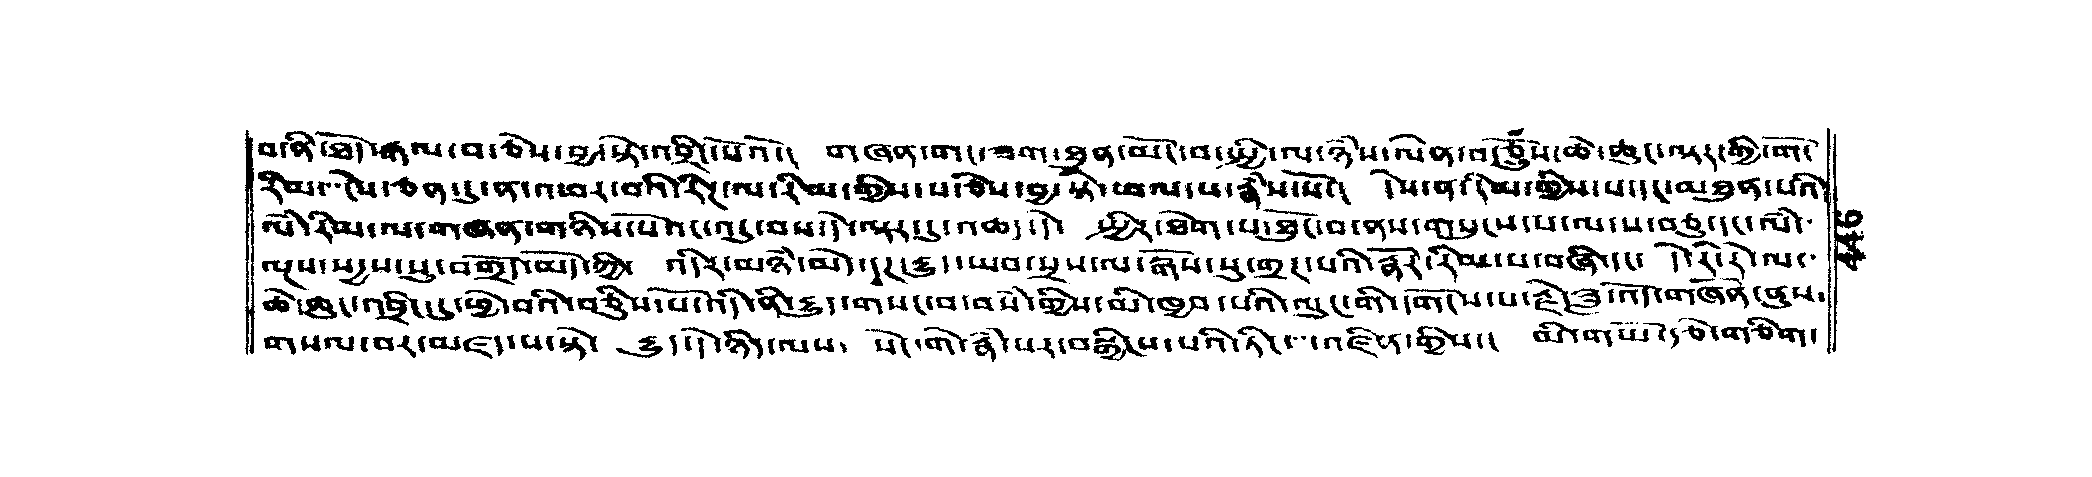བ་ནི་ཐོད་རྒལ་བ་ཞེས་བྱ་སྟེ་འབྲིང་པོའོ། གཞན་གང་ཟག་ཐུན་མོང་བ་སྤྱི་ལ་ཉམས་ལེན་བརྩོན་འགྲུས་ཆེ་ཆུང་ལྟར་གྱི་གོ་
རིམ་ངེས་ཅན་དུ་ན་འཕར་བའི་རིགས་ལ་རིམ་གྱིས་པ་ཞེས་བྱ་སྟེ་ཕལ་པ་རྣམས་སོ། དེས་ན་རིམ་གྱིས་པ་དང་མཐུན་པའི་
ལམ་རིམ་ལ་གཞན་གཉིས་པོའང་འདུ་བས་དེ་ལྟར་དུ་འཆད་དེ། སྤྱིར་ཐེག་པ་ཐུན་མོང་བ་ནས་གསུངས་པ་ལ་ས་བཅུ་དང་ལམ་
ལྔས་སངས་རྒྱས་སུ་བགྲོད་མོད་ཀྱི། འདིར་མཉམ་མེད་དྭགས་རྒྱུད་ཡབ་སྲས་ལ་སྒོས་སུ་གྲགས་པའི་རྣལ་འབྱོར་རིམ་པ་བཞི་དང་། དེ་རེ་རེ་ལ་
ཆེ་ཆུང་འབྲིང་དུ་ཕྱེ་བའི་བཅུ་གཉིས་པོ་འདི་ནི་རྒྱུད་གསང་བ་བསམ་གྱིས་མི་ཁྱབ་པའི་ལུང་གི་དགོངས་པ་རྗེ་ཟླ་འོད་གཞོན་ནུས་
གསལ་བར་མཛད་པ་སྟེ།རྒྱུད་དེ་ཉིད་ལས། སེང་གེ་རྣམ་པར་འགྱིངས་པའི་ཏིང་འཛིན་གྱིས། །མི་གཡོ་རྩེ་གཅིག་